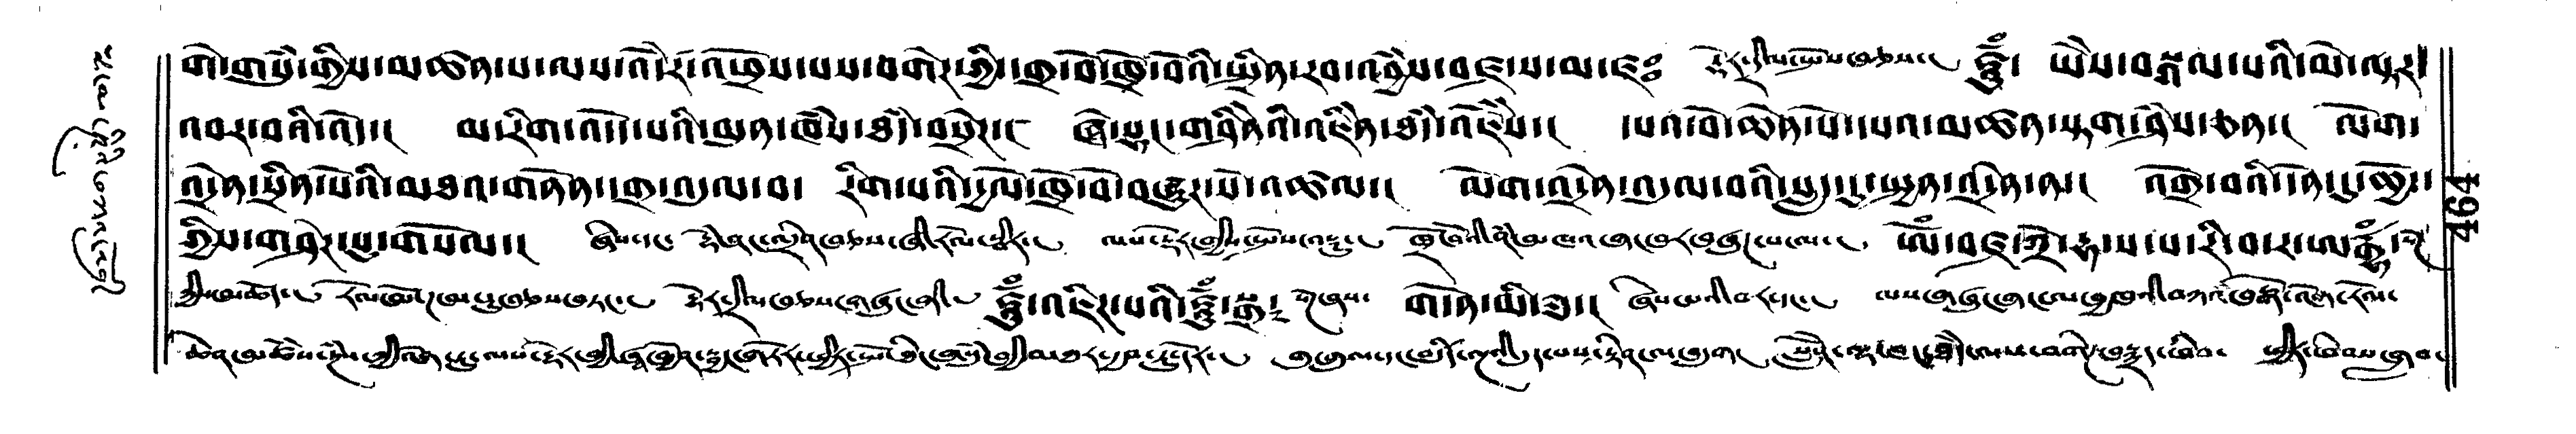གེ་གསུམ་གྱིས་མཚན་པ་ལས་འོད་ཟེར་འཕྲོས་པས་བགེགས་ཀྱི་དགྲ་བོ་ཁྲོ་བོའི་སྤྲིན་རབ་འབྱམས་བཛྲ་ས་མ་ཛཿརྡོར་དྲིལ་སྤོས་བཅས། ཧཱུྂ། ཡེ་ཤེས་བསྐལ་པའི་མེ་ལྟར་
འབར་བའི་འོད། །མ་རིག་འདོད་པའི་མུན་ཁམས་ཐམས་ཅད་སྲེགས། །ཞེ་སྡང་གཤིན་རྗེའི་འཇིག་རྟེན་ཐམས་ཅད་འཇོམས། །དཔའ་བོ་ཆེན་པོ་དཔའ་མཚན་སྟག་ཤམ་ཅན། །ལོག་
འདྲེན་སྲིན་པོའི་མཐའ་གནོན་དགྲ་འདུལ་བ། །རིག་པའི་རྒྱལ་པོ་ཁྲོ་བོ་བཞུགས་སོ་འཚལ། །ལོག་འདྲེན་འདུལ་བའི་སླད་དུ་སྤྱན་འདྲེན་ན། །འགྲོ་བའི་དོན་དུ་མཆོད་
ཀྱིས་གཤེགས་སུ་གསོལ། ཞེས་དང་། རྡོ་རྗེ་ནང་འདྲེན་བཅས་ཞི་རོལ་སྦིར། ལས་རྡོར་གྱིས་སྤོས་བསྡུ། ཁྲོ་བོའི་ནམ་མཁའ་གང་བར་བཞུགས་པ་ལ། ཨོཾ་བཛྲ་ཀྲོ་དྷ་ས་པཱ་རི་བཱ་ར་ཨརྒྷཾ་སོགས་
ཀྱིས་མཆོད། རོལ་མོ་ཌ་མ་རུ་བཅས་བཏང་། རྡོར་དྲིལ་བཅས་གཞུང་གི། ཧཱུྃ། འཇིགས་པའི་ཧཱུྂ་སྒྲ༴ སོགས་ནས་གདོན་མི་ཟ། ཞེས་པའི་བར་དང་། ལས་གཞུང་གང་ལ་བྱ་བའི་བཀའ་བསྒོའི་འོག་རོལ་
ཆེན་མཚམས་རྔམས་ཀྱི་འོག་ཏུ་ལས་རྡོར་གྱིས་ཞྭ་གྱོན་སྦྱང་གཏོར་ཕྱིར་སྤོ་ཐེང་གསུམ་གྱི་མཐར་རྒྱབ་ཏུ་དོར། གུ་གུལ་དང་བདུད་རྩི་ལྔའི་དུད་པས་རྟེན་ལ་བདུག སློབ་དཔོན་ལྷ་ཁང་ཐམས་ཅད་ལ་བགེགས་བསྐྲད་དུ་ཕེབས། ཕྱིར་ཕེབས་གྲུབ་